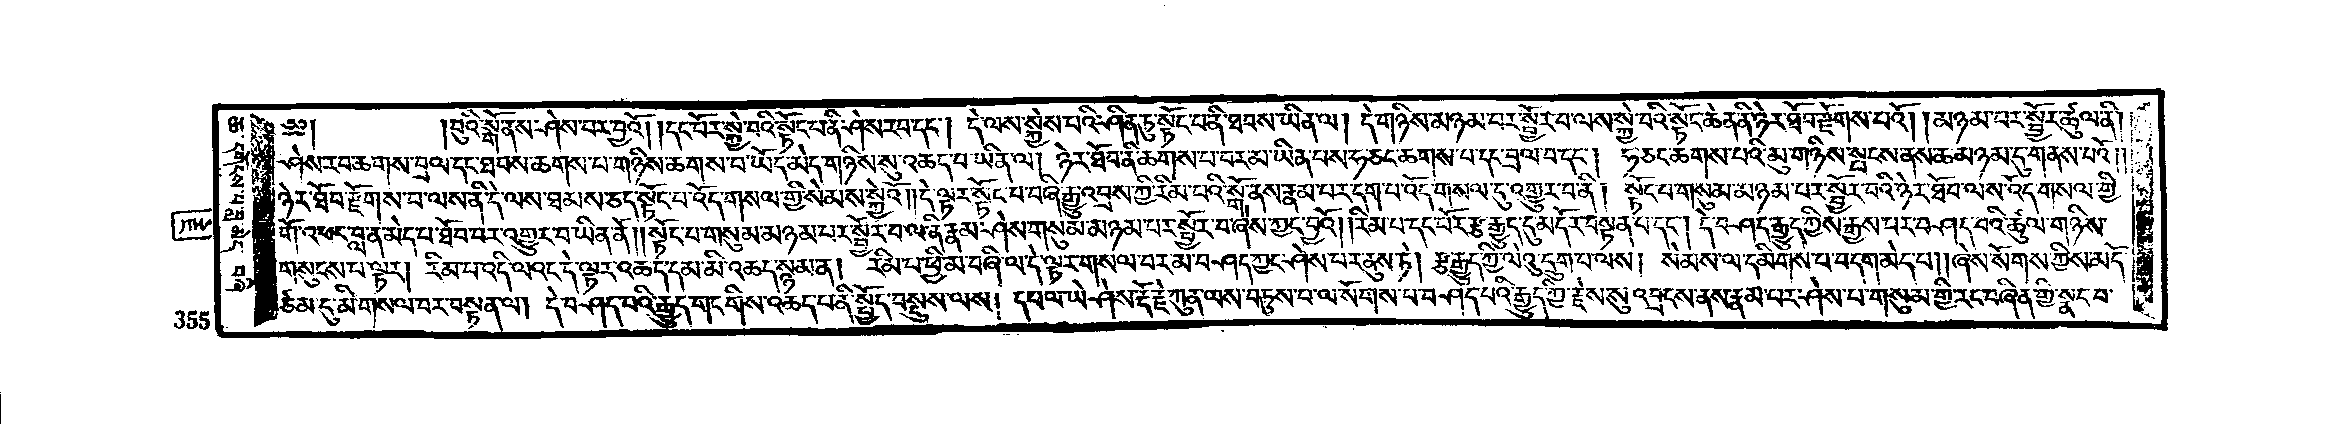༄༅། །བུའི་སྒོ་ནས་ཤེས་པར་བྱའོ། །དང་པོར་སྐྱེ་བའི་སྟོང་པ་ནི་ཤེས་རབ་དང་། དེ་ལས་སྐྱེས་པའི་ཤིན་ཏུ་སྟོང་པ་ནི་ཐབས་ཡིན་ལ། དེ་གཉིས་མཉམ་པར་སྦྱོར་བ་ལས་སྐྱེ་བའི་སྟོང་ཆེན་ནི་ཉེར་ཐོབ་རྫོགས་པའོ། །མཉམ་པར་སྦྱོར་ཚུལ་ནི།
ཤེས་རབ་ཆགས་བྲལ་དང་ཐབས་ཆགས་པ་གཉིས་ཆགས་པ་ཡོད་མེད་གཉིས་སུ་འཆད་པ་ཡིན་ལ། ཉེར་ཐོབ་ནི་ཆགས་པ་བར་མ་ཡིན་པས་ཧ་ཅང་ཆགས་པ་དང་བྲལ་བ་དང་། ཧ་ཅང་ཆགས་པའི་མུ་གཉིས་སྤངས་ནས་ཆ་མཉམ་དུ་གནས་པའོ། །
ཉེར་ཐོབ་རྫོགས་པ་ལས་ནི་དེ་ལས་ཐམས་ཅད་སྟོང་པ་འོད་གསལ་གྱི་སེམས་སྐྱེའོ། །དེ་ལྟར་སྟོང་པ་བཞི་རྒྱུ་འབྲས་ཀྱི་རིམ་པའི་སྒོ་ནས་རྣམ་པར་དག་པ་འོད་གསལ་དུ་འགྱུར་བ་ནི། སྟོང་པ་གསུམ་མཉམ་པར་སྦྱོར་བའི་ཉེར་ཐོབ་ལས་འོད་གསལ་གྱི་
གོ་འཕང་བླ་ན་མེད་པ་ཐོབ་པར་འགྱུར་བ་ཡིན་ནོ། །སྟོང་པ་གསུམ་མཉམ་པར་སྦྱོར་བ་ལ་ནི་རྣམ་ཤེས་གསུམ་མཉམ་པར་སྦྱོར་བ་ཞེས་ཀྱང་བྱའོ། །རིམ་པ་དང་པོར་རྩ་རྒྱུད་དུ་མདོར་བསྟན་པ་དང་། དེ་བཤད་རྒྱུད་ཀྱིས་རྒྱས་པར་བཤད་པའི་ཚུལ་གཉིས་
གསུངས་པ་ལྟར། རིམ་པ་འདི་ལའང་དེ་ལྟར་འཆད་དམ་མི་འཆད་སྙམ་ན། རིམ་པ་ཕྱི་མ་བཞི་ལ་དེ་ལྟར་གསལ་བར་མ་བཤད་ཀྱང་ཤེས་པར་ནུས་ཏེ། རྩ་རྒྱུད་ཀྱི་ལེའུ་དྲུག་པ་ལས། སེམས་ལ་དམིགས་པ་བདག་མེད་པ། །ཞེས་སོགས་ཀྱིས་མདོ་
ཙམ་དུ་མི་གསལ་བར་བསྟན་ལ། དེ་བཤད་པའི་རྒྱུད་གང་གིས་འཆད་པ་ནི་སྤྱོད་བསྡུས་ལས། དཔལ་ཡེ་ཤེས་རྡོ་རྗེ་ཀུན་ལས་བཏུས་པ་ལ་སོགས་པ་བཤད་པའི་རྒྱུད་ཀྱི་རྗེས་སུ་འབྲངས་ནས་རྣམ་པར་ཤེས་པ་གསུམ་གྱི་རང་བཞིན་གྱི་སྣང་བ་